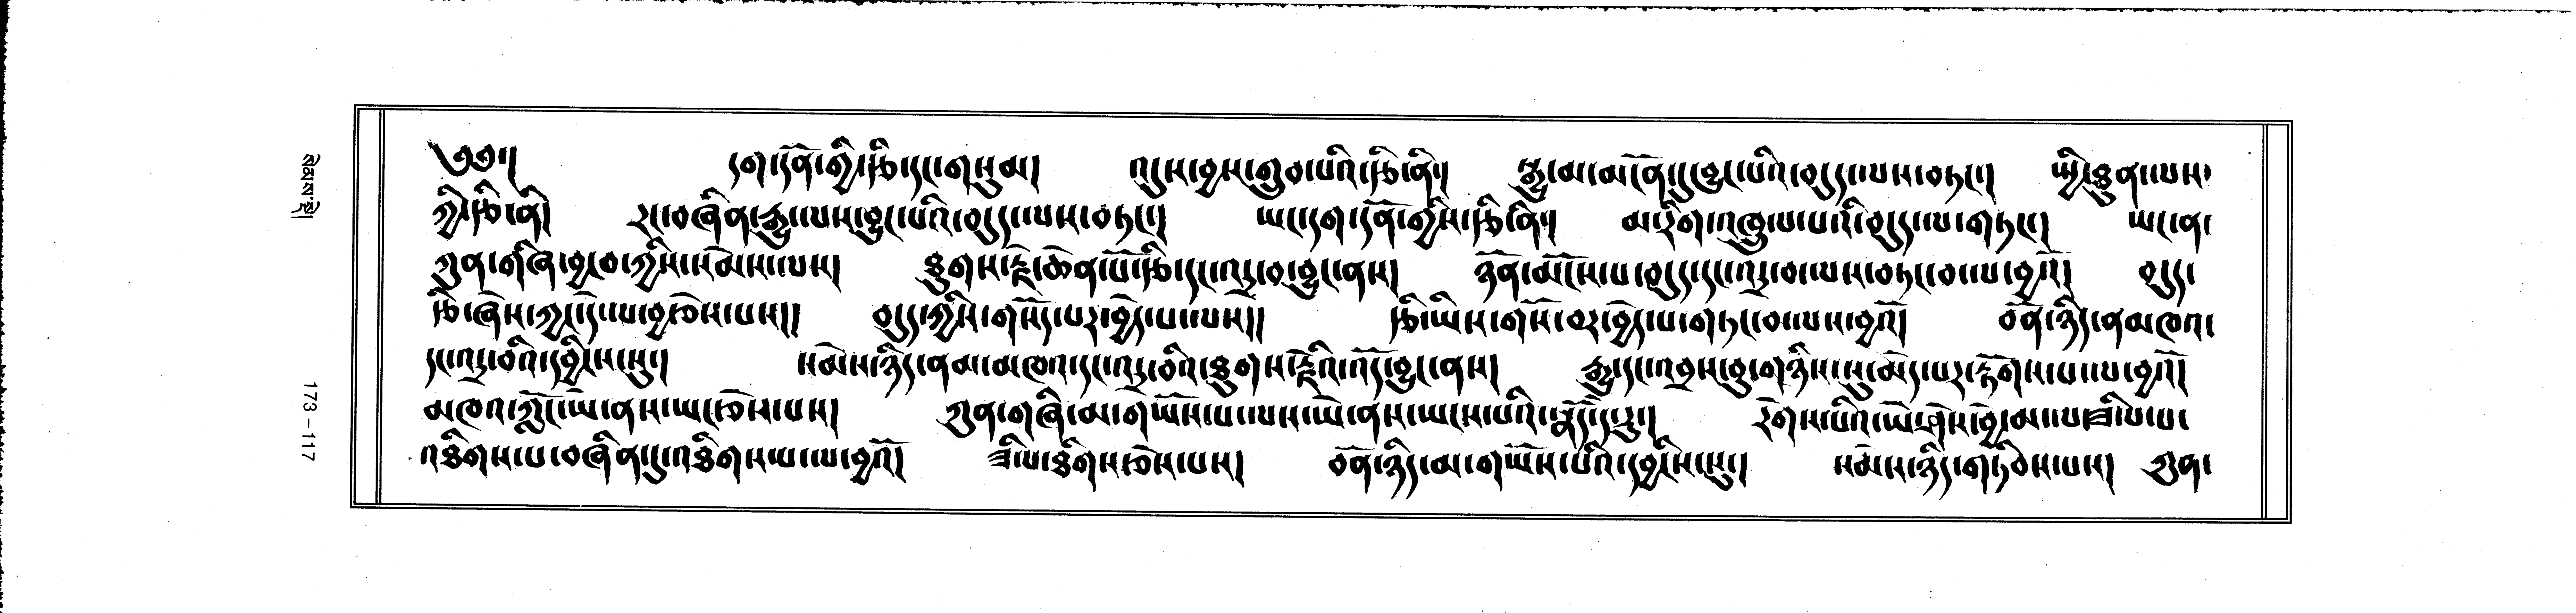དག་དོན་གྱི་རྩི་དང་གསུམ། འདུས་བྱས་གྲུབ་པའི་རྩི་ནི། སྒྱུ་མ་མངོན་དུ་བྱུང་བའི་བདུད་ལས་བཏང་། སྤྱི་མཐུན་ལས་
ཀྱི་རྩི་ནི། རང་བཞིན་རྒྱུ་ལས་བྱུང་བའི་བདུད་ལ་བཏང་། ཡང་དག་དོན་གྱི་རྩི་ནི། མ་རིག་འཁྲུལ་པའི་བདུད་ལ་བཏང་། ཡང་ན་
ཀུན་གཞི་བྱང་ཆུབ་ཀྱི་སེམས་ལས། ཐུགས་རྗེ་ཆེན་པོ་རྩི་དང་འདྲ་བ་བྱུང་ནས། ཉོན་མོངས་པ་བདུད་དང་འདྲ་བ་ལས་བཏང་བ་ལ་བྱའོ། བདུད་
རྩི་ཞེས་ཀྱང་དེ་ལ་བྱ་ཅེས་པས། བདུད་ཀྱིས་གསོད་པར་བྱེད་པ་ལས། རྩི་ཡིས་གསོ་བར་བྱེད་པ་གཏང་བ་ལས་བྱའོ། བོན་ཉིད་ནམ་མཁའ་
དང་འདྲ་བའི་དབྱིངས་སུ། སེམས་ཉིད་ནམ་མཁའ་དང་འདྲ་བའི་ཐུགས་རྗེའི་འོད་བྱུང་ནས། རྒྱུ་དང་འབྲས་བུ་གཉིས་སུ་མེད་པར་རྟོགས་པ་ལ་བྱའོ། །
མཁའ་ཀློང་ཡེ་ནས་ཡང་ཅེས་པས། ཀུན་གཞི་མ་གཡོས་པ་ལས་ཡེ་ནས་ཡངས་པའི་སྣོད་དེ་རུ། རིག་པའི་ཡེ་ཤེས་བྱེ་མ་ལ་ཟིལ་པ་
འཐིགས་པ་བཞིན་དུ་འཐིགས་པ་ལ་བྱའོ། །ཟིལ་ཐིགས་ཅེས་པས། བོན་ཉིད་མ་གཡོས་པའི་དབྱིངས་སུ། སེམས་ཉིད་གཏིབས་པས། ཀུན་